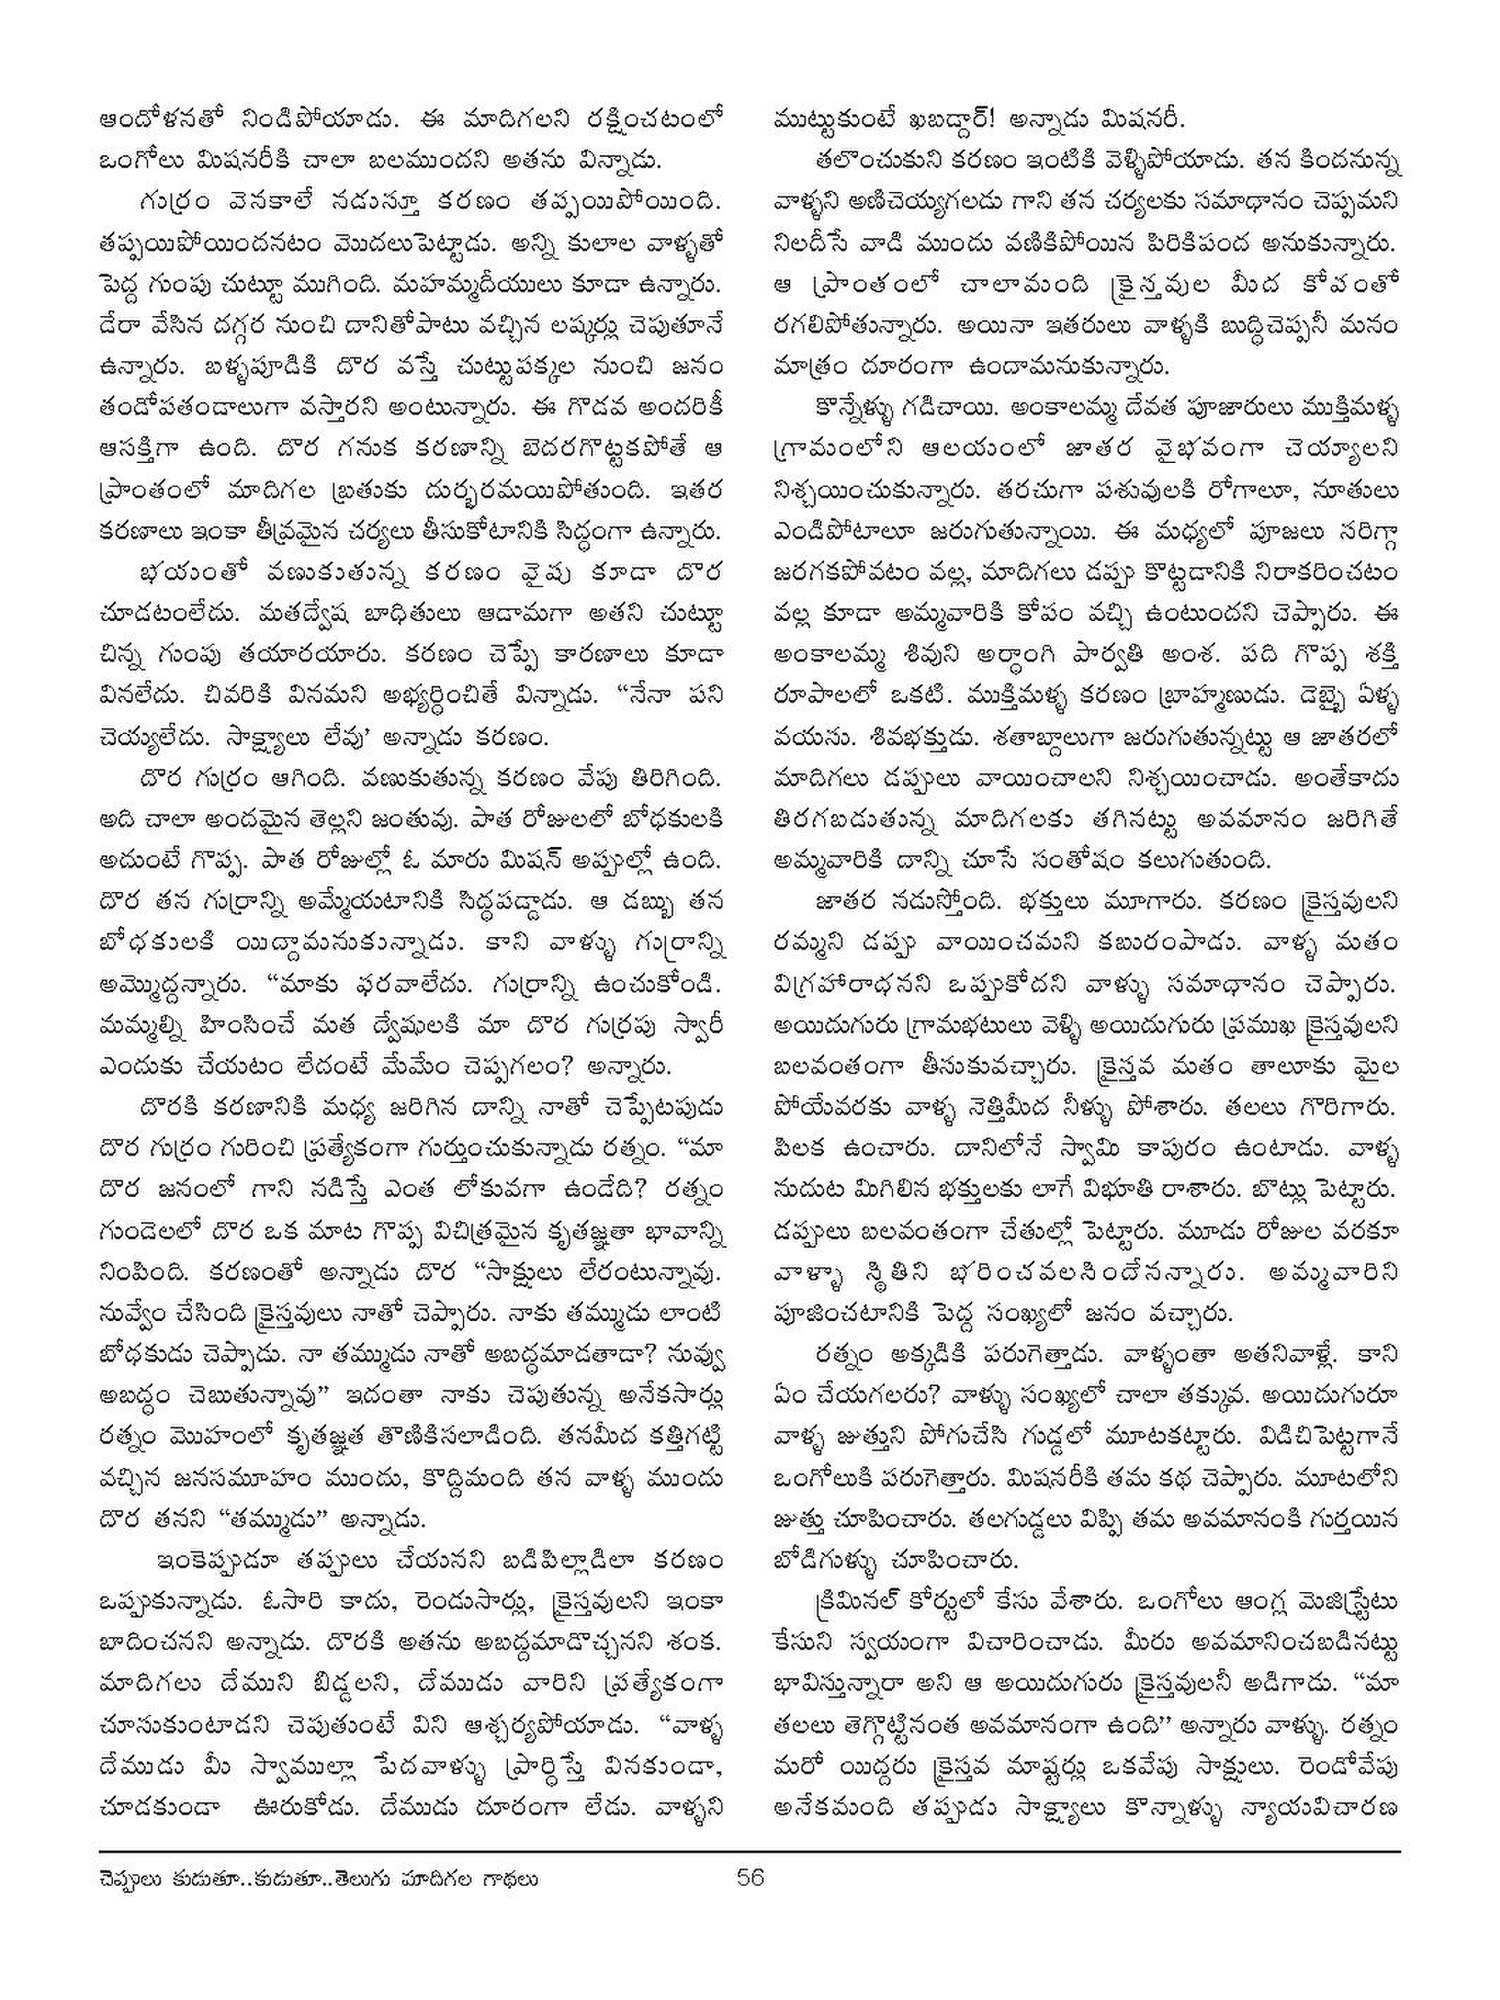ఆందోళనతో నిండిపోయాడు. ఈ మాదిగలని రక్షించటంలో ఒంగోలు మిషనరీకి చాలా బలముందని అతను విన్నాడు.

గుర్రం వెనకాలే నడుస్తూ కరణం తప్పయిపోయింది. తప్పయిపోయిందనటం మొదలుపెట్టాడు. అన్ని కులాల వాళ్ళతో పెద్ద గుంపు చుట్టూ మూగింది. మహమ్మదీయులు కూడా ఉన్నారు. డేరా వేసిన దగ్గర నుంచి దానితోపాటు వచ్చిన లష్కర్లు చెపుతూనే ఉన్నారు. బళ్ళపూడికి దొర వస్తే చుట్టుపక్కల నుంచి జనం తండోపతండాలుగా వస్తారని అంటున్నారు. ఈ గొడవ అందరికీ ఆసక్తిగా ఉంది. దొర గనుక కరణాన్ని బెదరగొట్టకపోతే ఆ ప్రాంతంలో మాదిగల బ్రతుకు దుర్భరమయిపోతుంది. ఇతర కరణాలు ఇంకా తీవ్రమైన చర్యలు తీసుకోటానికి సిద్ధంగా ఉన్నారు.

భయంతో వణుకుతున్న కరణం వైపు కూడా దొర చూడటంలేదు. మతద్వేష బాధితులు ఆడామగా అతని చుట్టూ చిన్న గుంపు తయారయారు. కరణం చెప్పే కారణాలు కూడా వినలేదు. చివరికి వినమని అభ్యర్ధించితే విన్నాడు. "నేనా పని చెయ్యలేదు. సాక్ష్యాలు లేవు' అన్నాడు కరణం.

దొర గుర్రం ఆగింది. వణుకుతున్న కరణం వేపు తిరిగింది. అది చాలా అందమైన తెల్లని జంతువు. పాత రోజులలో బోధకులకి అదుంటే గొప్ప. పాత రోజుల్లో ఓ మారు మిషన్ అప్పుల్లో ఉంది. దొర తన గుర్రాన్ని అమ్మేయటానికి సిద్ధపడ్డాడు. ఆ డబ్బు తన బోధకులకి యిద్దామనుకున్నాడు. కాని వాళ్ళు గుర్రాన్ని
అమ్మొద్దన్నారు. "మాకు ఫరవాలేదు. గుర్రాన్ని ఉంచుకోండి. మమ్మల్ని హింసించే మత ద్వేషులకి మా దొర గుర్రపు స్వారీ ఎందుకు చేయటం లేదంటే మేమేం చెప్పగలం? అన్నారు.

దొరకి కరణానికి మధ్య జరిగిన దాన్ని నాతో చెప్పేటపుడు దొర గుర్రం గురించి ప్రత్యేకంగా గుర్తుంచుకున్నాడు రత్నం. "మా దొర జనంలో గాని నడిస్తే ఎంత లోకువగా ఉండేది? రత్నం గుండెలలో దొర ఒక మాట గొప్ప విచిత్రమైన కృతజ్ఞతా భావాన్ని నింపింది. కరణంతో అన్నాడు దొర "సాక్షులు లేరంటున్నావు. నువ్వేం చేసింది క్రైస్తవులు నాతో చెప్పారు. నాకు తమ్ముడు లాంటి బోధకుడు చెప్పాడు. నా తమ్ముడు నాతో అబద్ధమాడతాడా? నువ్వు అబద్ధం చెబుతున్నావు" ఇదంతా నాకు చెపుతున్న అనేకసార్లు రత్నం మొహంలో కృతజ్ఞత తొణికిసలాడింది. తనమీద కత్తిగట్టి వచ్చిన జనసమూహం ముందు, కొద్దిమంది తన వాళ్ళ ముందు దొర తనని "తమ్ముడు" అన్నాడు.

ఇంకెప్పుడూ తప్పులు చేయనని బడిపిల్లాడిలా కరణం ఒప్పుకున్నాడు. ఓసారి కాదు, రెండుసార్లు, క్రైస్తవులని ఇంకా బాదించనని అన్నాడు. దొరికి అతను అబద్దమాడొచ్చనని శంక. మాదిగలు దేముని బిడ్డలని, దేముడు వారిని ప్రత్యేకంగా చూసుకుంటాడని చెపుతుంటే విని ఆశ్చర్యపోయాడు. “వాళ్ళ
దేముడు మీ స్వాముల్లా పేదవాళ్ళు ప్రార్ధిస్తే వినకుండా, చూడకుండా ఊరుకోడు. దేముడు దూరంగా లేడు. వాళ్ళని ముట్టుకుంటే ఖబడ్దార్! అన్నాడు మిషనరీ.

తలొంచుకుని కరణం ఇంటికి వెళ్ళిపోయాడు. తన కిందనున్న వాళ్ళని అణిచెయ్యగలడు గాని తన చర్యలకు సమాధానం చెప్పమని నిలదీసే వాడి ముందు వణికిపోయిన పిరికిపంద అనుకున్నారు. ఆ ప్రాంతంలో చాలామంది క్రైస్తవుల మీద కోపంతో రగలిపోతున్నారు. అయినా ఇతరులు వాళ్ళకి బుద్ధిచెప్పనీ మనం మాత్రం దూరంగా ఉందామనుకున్నారు.

కొన్నేళ్ళు గడిచాయి. అంకాలమ్మ దేవత పూజారులు ముక్తిమళ్ళ గ్రామంలోని ఆలయంలో జాతర వైభవంగా చెయ్యాలని నిశ్చయించుకున్నారు. తరచుగా పశువులకి రోగాలూ, నూతులు ఎండిపోటాలు జరుగుతున్నాయి. ఈ మధ్యలో పూజలు సరిగ్గా జరగకపోవటం వల్ల, మాదిగలు డప్పు కొట్టడానికి నిరాకరించటం వల్ల కూడా అమ్మవారికి కోపం వచ్చి ఉంటుందని చెప్పారు. ఈ అంకాలమ్మ శివుని అర్ధాంగి పార్వతి అంశ. పది గొప్ప శక్తిరూపాలలో ఒకటి. ముక్తిమళ్ళ కరణం బ్రాహ్మణుడు. డెబ్భై ఏళ్ళ వయసు. శివభక్తుడు. శతాబ్దాలుగా జరుగుతున్నట్టు ఆ జాతరలో మాదిగలు డప్పులు వాయించాలని నిశ్చయించాడు. అంతేకాదు తిరగబడుతున్న మాదిగలకు తగినట్టు అవమానం జరిగితే అమ్మవారికి దాన్ని చూసే సంతోషం కలుగుతుంది.

జాతర నడుస్తోంది. భక్తులు మూగారు. కరణం క్రైస్తవులని రమ్మని డప్పు వాయించమని కబురంపాడు. వాళ్ళ మతం విగ్రహారాధనని ఒప్పుకోదని వాళ్ళు సమాధానం చెప్పారు. అయిదుగురు గ్రామభటులు వెళ్ళి అయిదుగురు ప్రముఖ క్రైస్తవులని బలవంతంగా తీసుకువచ్చారు. క్రైస్తవ మతం తాలూకు మైల పోయేవరకు వాళ్ళ నెత్తిమీద నీళ్ళు పోశారు. తలలు గొరిగారు. పిలక ఉంచారు. దానిలోనే స్వామి కాపురం ఉంటాడు. వాళ్ళ నుదుట మిగిలిన భక్తులకు లాగే విభూతి రాశారు. బొట్లు పెట్టారు. డప్పులు బలవంతంగా చేతుల్లో పెట్టారు. మూడు రోజుల వరకూ వాళ్ళా స్థితిని భరించవలసిందేనన్నారు. అమ్మవారిని పూజించటానికి పెద్ద సంఖ్యలో జనం వచ్చారు.

రత్నం అక్కడికి పరుగెత్తాడు. వాళ్ళంతా అతనివాళ్లే. కాని ఏం చేయగలరు? వాళ్ళు సంఖ్యలో చాలా తక్కువ. అయిదుగురూ వాళ్ళ జుత్తుని పోగుచేసి గుడ్డలో మూటకట్టారు. విడిచిపెట్టగానే ఒంగోలుకి పరుగెత్తారు. మిషనరీకి తమ కథ చెప్పారు. మూటలోని జుత్తు చూపించారు. తలగుడ్డలు విప్పి తమ అవమానంకి గుర్తయిన బోడిగుళ్ళు చూపించారు.

క్రిమినల్ కోర్టులో కేసు వేశారు. ఒంగోలు ఆంగ్ల మెజిస్ట్రేటు కేసుని స్వయంగా విచారించారు. మీరు అవమానించబడినట్టు భావిస్తున్నారా అని ఆ అయిదుగురు క్రైస్తవులనీ అడిగాడు. "మా తలలు తెగ్గొట్టినంత అవమానంగా ఉంది" అన్నారు వాళ్ళు. రత్నం మరో యిద్దరు క్రైస్తవ మాస్టర్లు ఒకవేపు సాక్షులు. రెండోవేపు అనేకమంది తప్పుడు సాక్ష్యాలు కొన్నాళ్ళు న్యాయవిచారణ